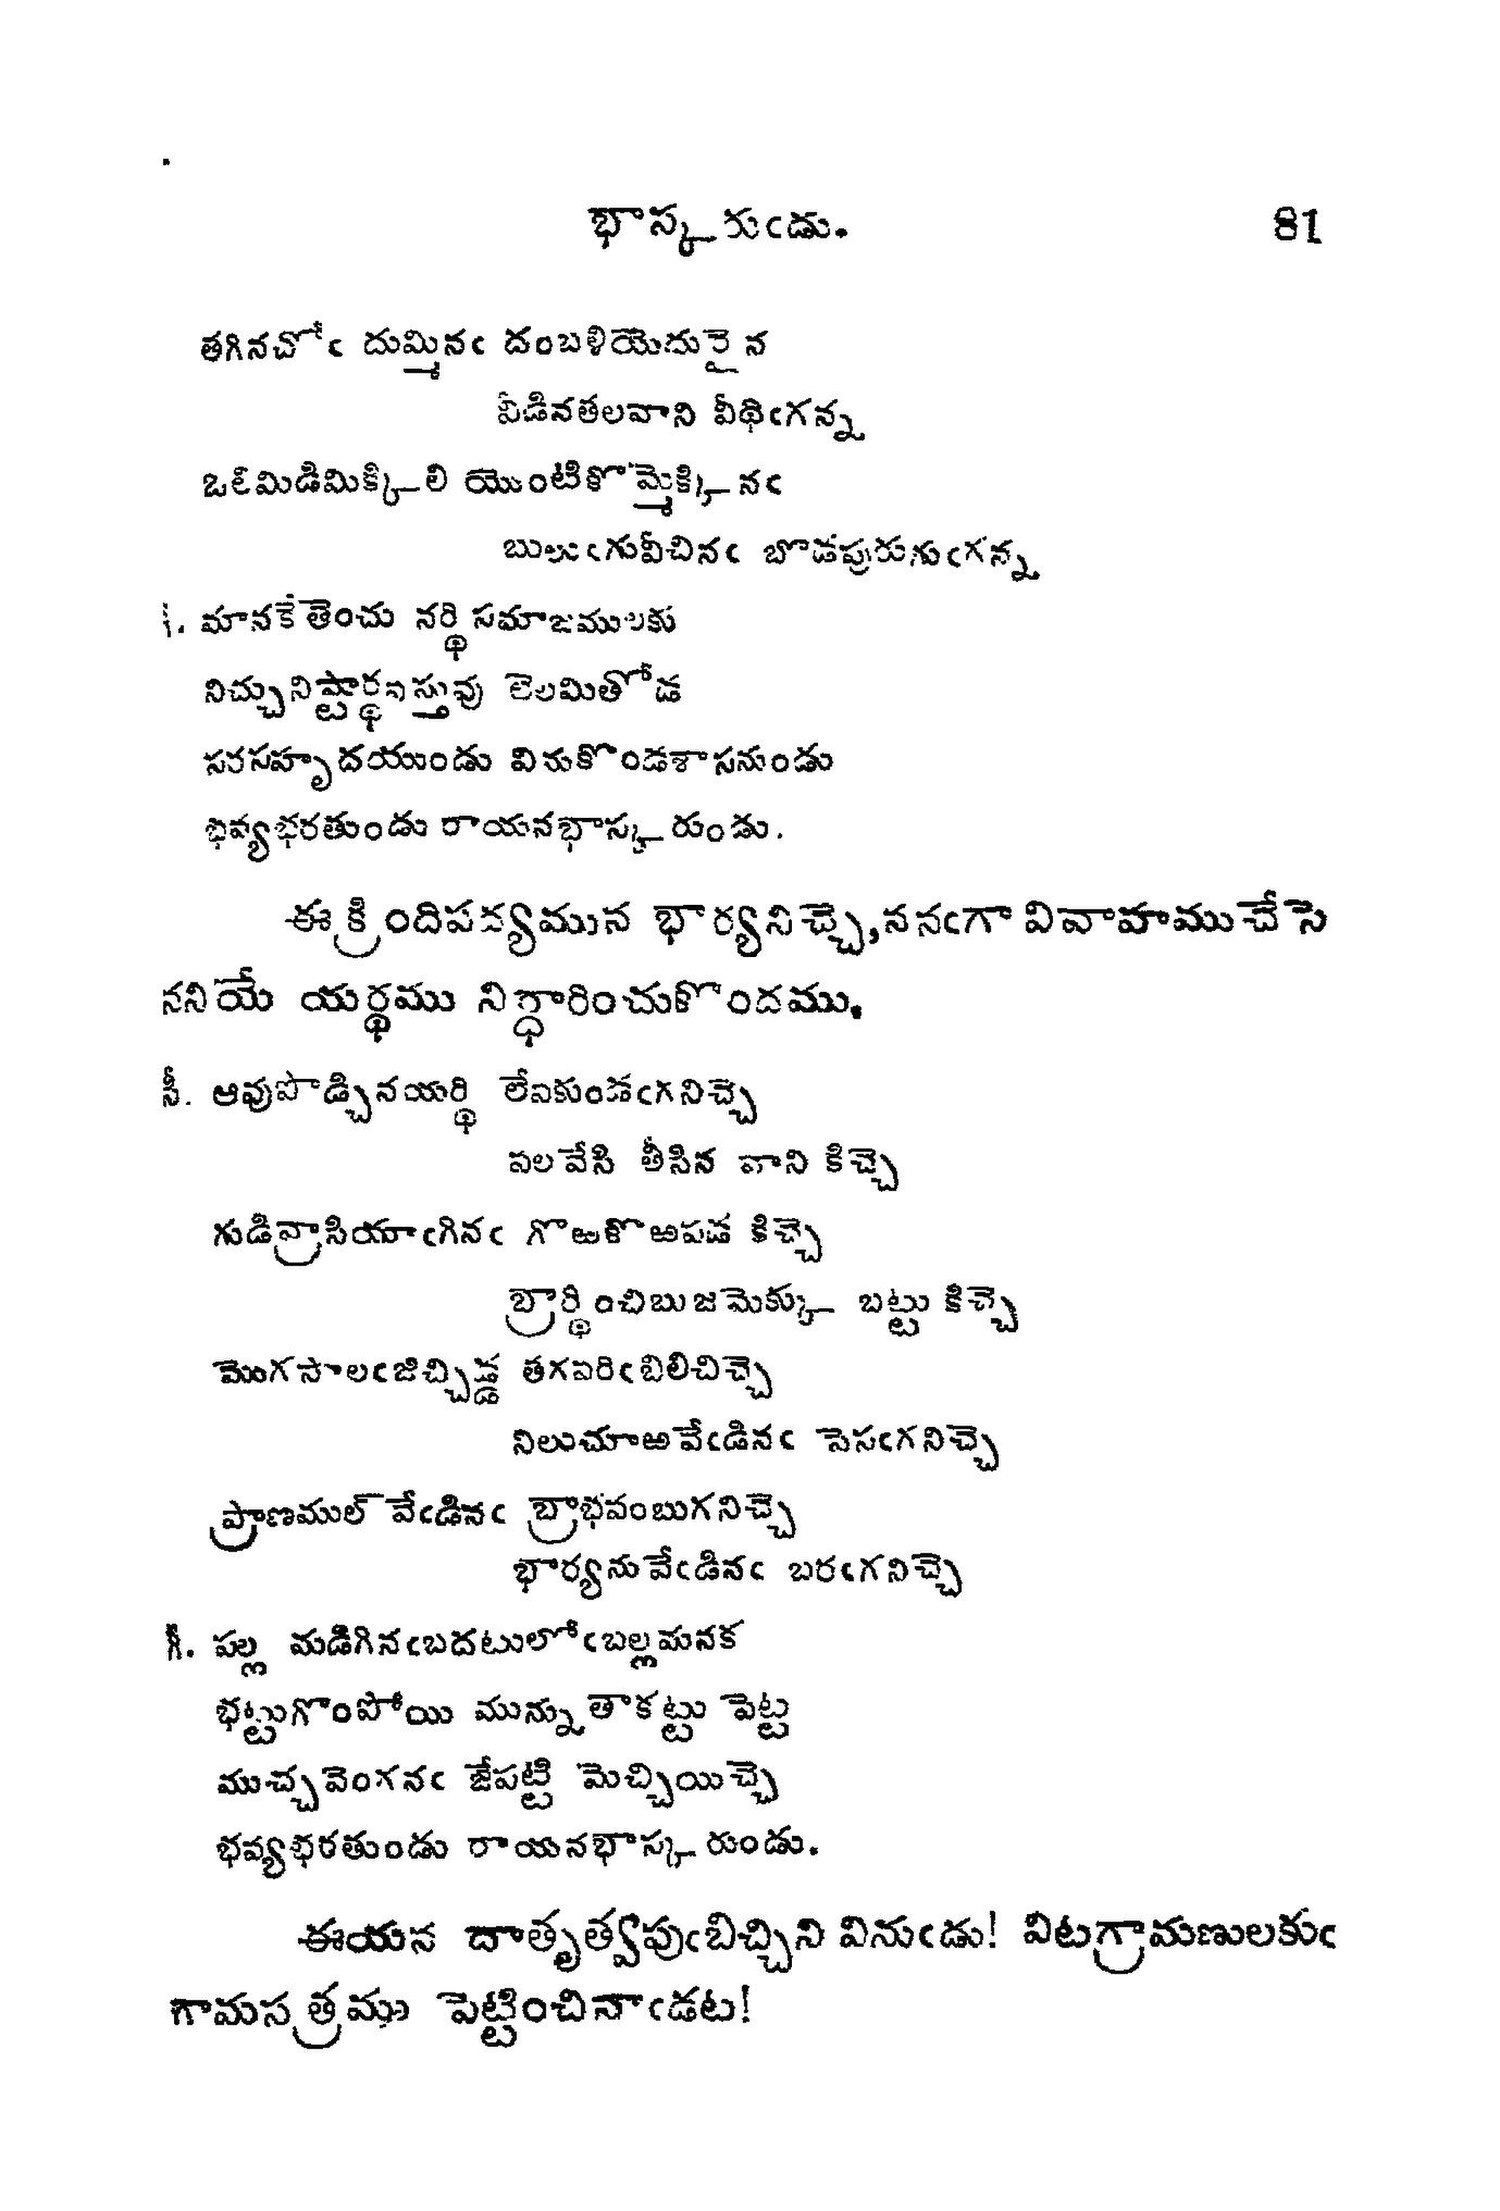తగినచోఁ దుమ్మినఁ దంబళి యెదురైన
 వీడినతలవాని వీథిఁ గన్న
 ఒలిమిడి మిక్కిలి యొంటికొ మ్మెక్కినఁ
 బులుఁగు వీచినఁ బొడపురుగుఁ గన్న
గీ. మాన కేతెంచు నర్థిసమాజములకు
 నిచ్చు నిష్టార్థవస్తువు లెలమితోడ
 సరసహృదయుండు వినుకొండశాసనుండు
 భవ్యభరతుండు రాయనభాస్కరుండు.
క్రిందిపద్యమున భార్య నిచ్చె, ననఁగా వివాహము చేసె ననియే యర్థము నిర్ధారించుకొందము.
సీ. ఆవుపొడ్చినయర్థి లేవకుండఁగ నిచ్చె
 వలవేసి తీసిన వాని కిచ్చె
 గుడివ్రాసియాఁగినఁ గొఱకొఱపడ కిచ్చె
 బ్రార్థించి బుజ మెక్కు బట్టలు కిచ్చె
 మొగసాలఁ జిచ్చిడ్డ తగవరిఁ బిలి చిచ్చె
 నిలుచూఱ వేఁడిన నెసఁగ నిచ్చె
 ప్రాణముల్ వేఁడినఁ బ్రాభవంబుగ నిచ్చె
 భార్యను వేఁడినఁ బరఁగ నిచ్చె
గీ. పల్ల మడిగినఁ బదటులోఁ బల్ల మనక
 భట్టు గొంపోయి మున్ను తాకట్టు పెట్ట
 ముచ్చవెంగనఁ జేపెట్టి మెచ్చి యిచ్చె
 భవ్యభరతుండు రాయనభాస్కరుండు.
ఈయన దాతృత్వపు బిచ్చిని వినుఁడు! విటగ్రామణులకుఁ గామసత్రము పెట్టించినాఁడఁట!